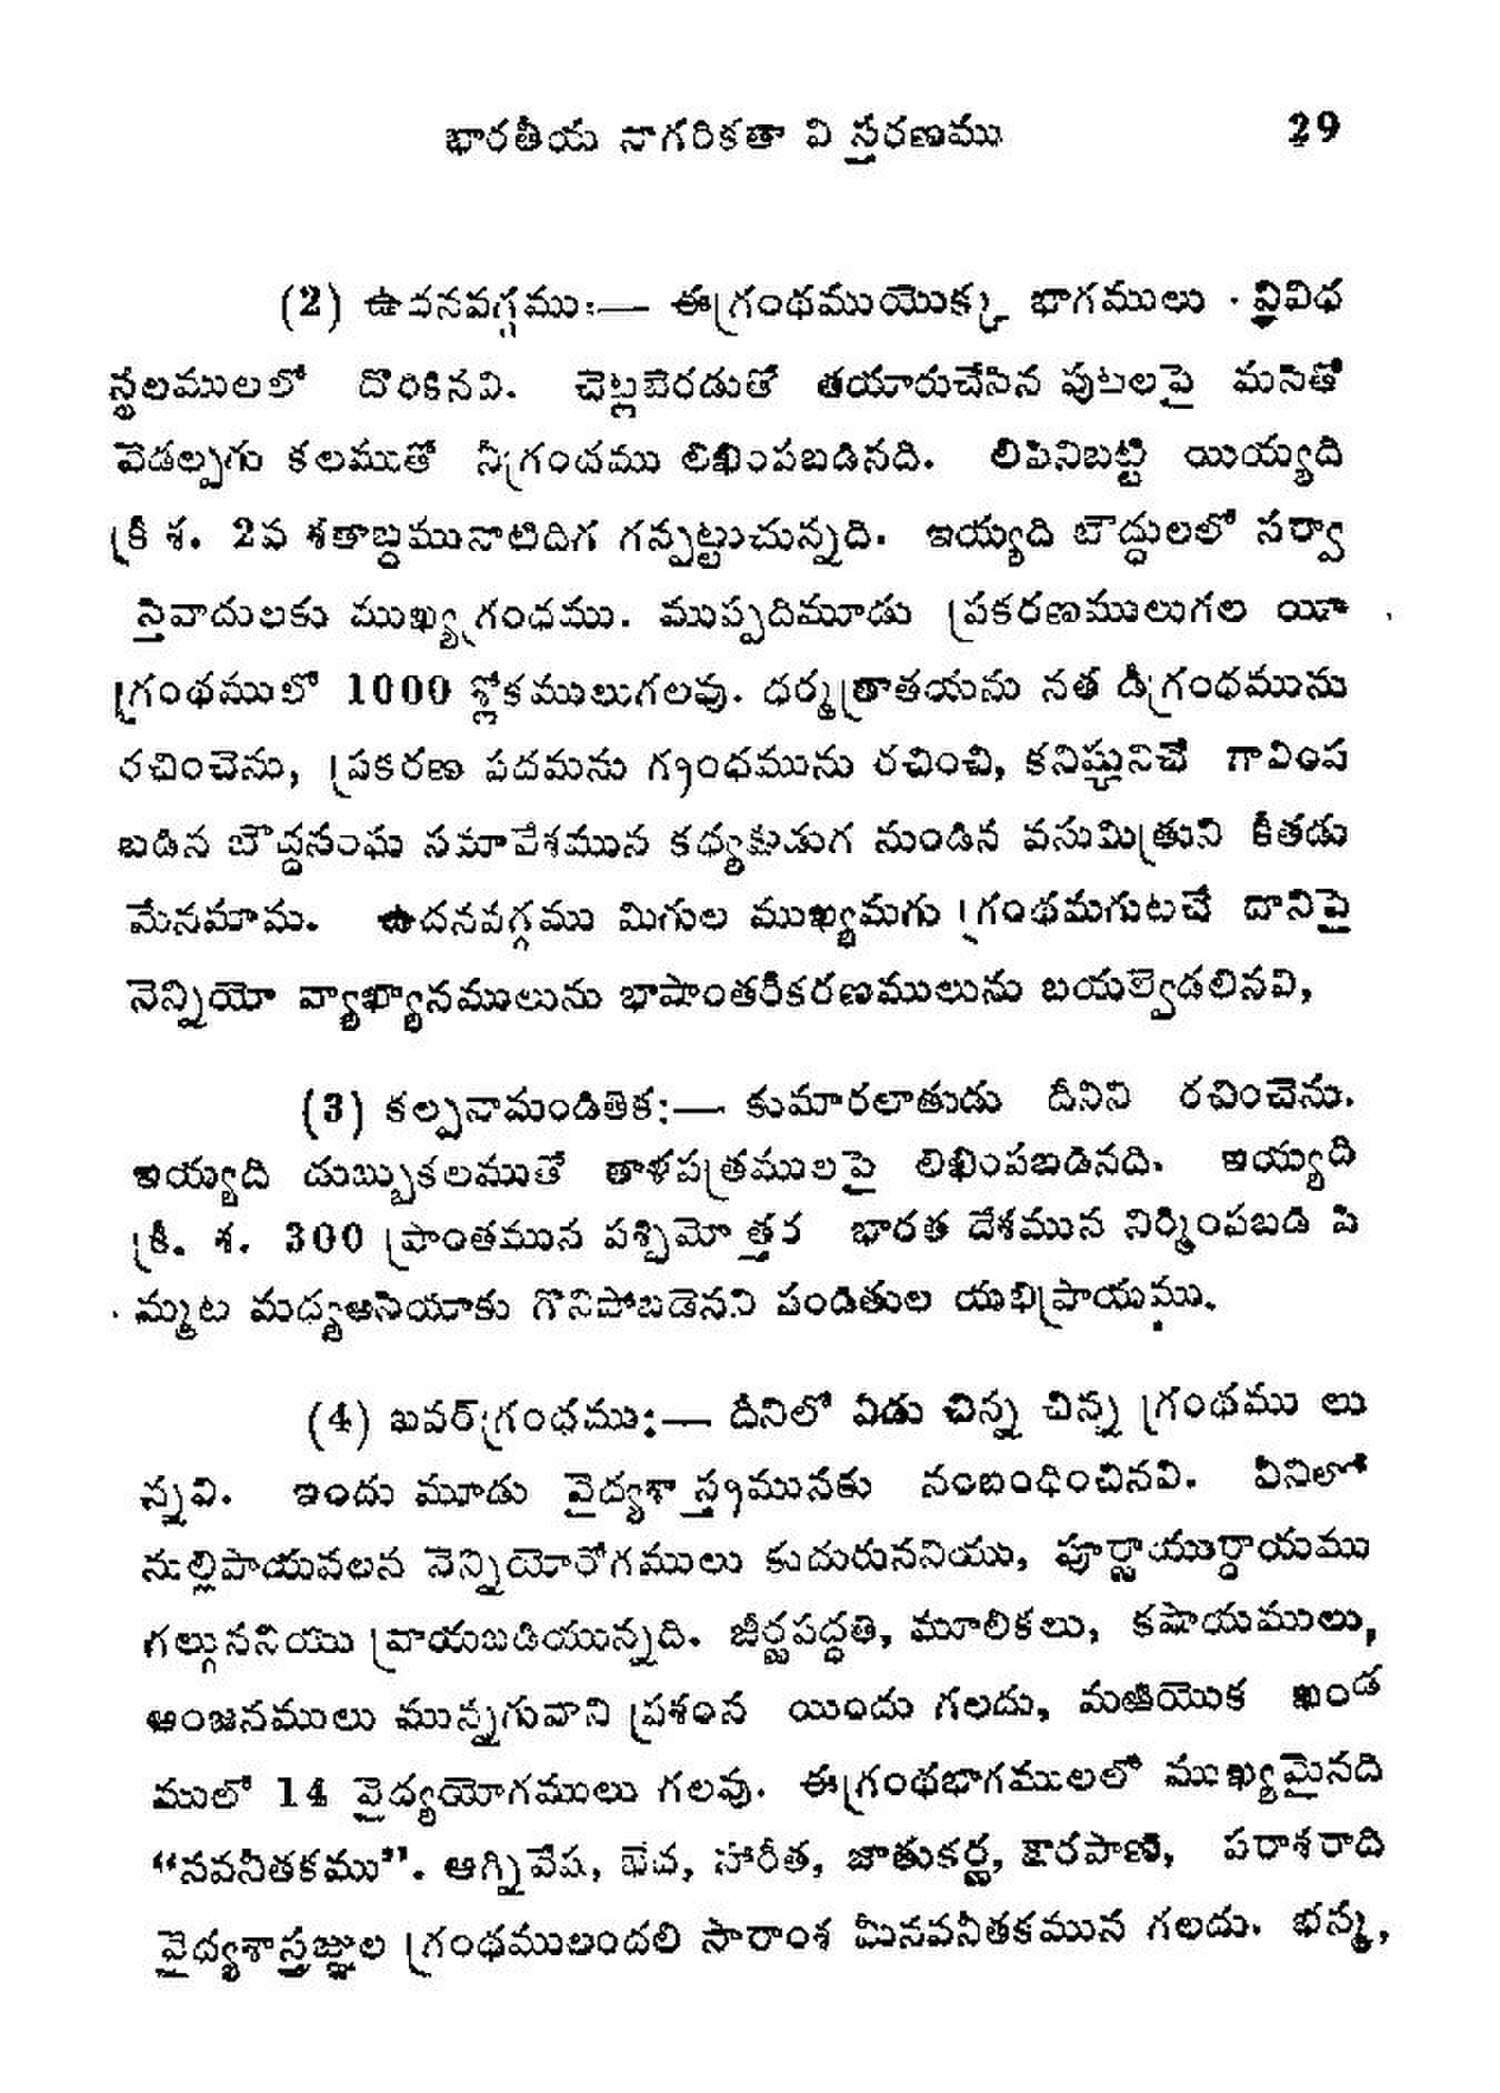(2) ఉదనవగ్గము :- ఈగ్రంథముయొక్క భాగములు వివిధ స్థలములలో దొరికినవి. చెట్లబెరడుతో తయారుచేసిన పుటలపై మసితో వెడల్పగు కలముతో నీగ్రంథము లిఖింపబడినది. లిపినిబట్టి యియ్యది క్రీ. శ. 2 వ శతాబ్దమునాటిదిగ గన్పట్టుచున్నది. ఇయ్యది బౌద్దులలో సర్వాస్తివాదులకు ముఖ్యగ్రంథము. ముప్పదిమూడు ప్రకరణములుగల యీ గ్రంథములో 1000 శ్లోకములుగలవు. ధర్మత్రాతయను నత డీగ్రంథమును రచించెను, ప్రకరణ పదమను గ్రంథమును రచించి, కనిష్కునిచే గావింపబడిన బౌద్దసంఘ సమావేశమున కధ్యక్షుడుగ నుండిన వసుమిత్రుని కీతడు మేనమామ. ఉదనవగ్గము మిగుల ముఖ్యమగు గ్రంథమగుటచే దానిపై నెన్నియో వ్యాఖ్యానములును భాషాంతరీకరణములును బయల్వెడలినవి.

(3) కల్పనామండితిక :- కుమారలాతుడు దీనిని రచించెను. ఇయ్యది దుబ్బుకలముతో తాళపత్రములపై లిఖింపబడినది. ఇయ్యది క్రీ. శ. 300 ప్రాంతమున పశ్చిమోత్తర భారత దేశ మున నిర్మింపబడి పిమ్మట మధ్యఆసియాకు గొనిపోబడెనని పండితుల యభిప్రాయము.

(4) బవర్‌గ్రంథము :- దీనిలో ఏడు చిన్న చిన్న గ్రంథములున్నవి. ఇందు మూడు వైద్యశాస్త్రమునకు సంబంధించినవి. వీనిలో నుల్లిపాయవలన నెన్నియోరోగములు కుదురుననియు, పూర్ణాయుర్దాయము గల్గుననియు వ్రాయబడియున్నది. జీర్ణపద్దతి, మూలికలు, కషాయములు, అంజనములు మున్నగువాని ప్రశంస యిందు గలదు. మఱియొక ఖండములో 14 వైద్యయోగములు గలవు. ఈగ్రంథభాగములలో ముఖ్యమైనది "నవనీతకము". అగ్నివేష, భేద, హారీత, జాతుకర్ణ, క్షారపాణి, పరాశరాది వైద్యశాస్త్రజ్ఞుల గ్రంథములందలి సారాంశ మీనవనీతకమున గలదు. భస్మ,